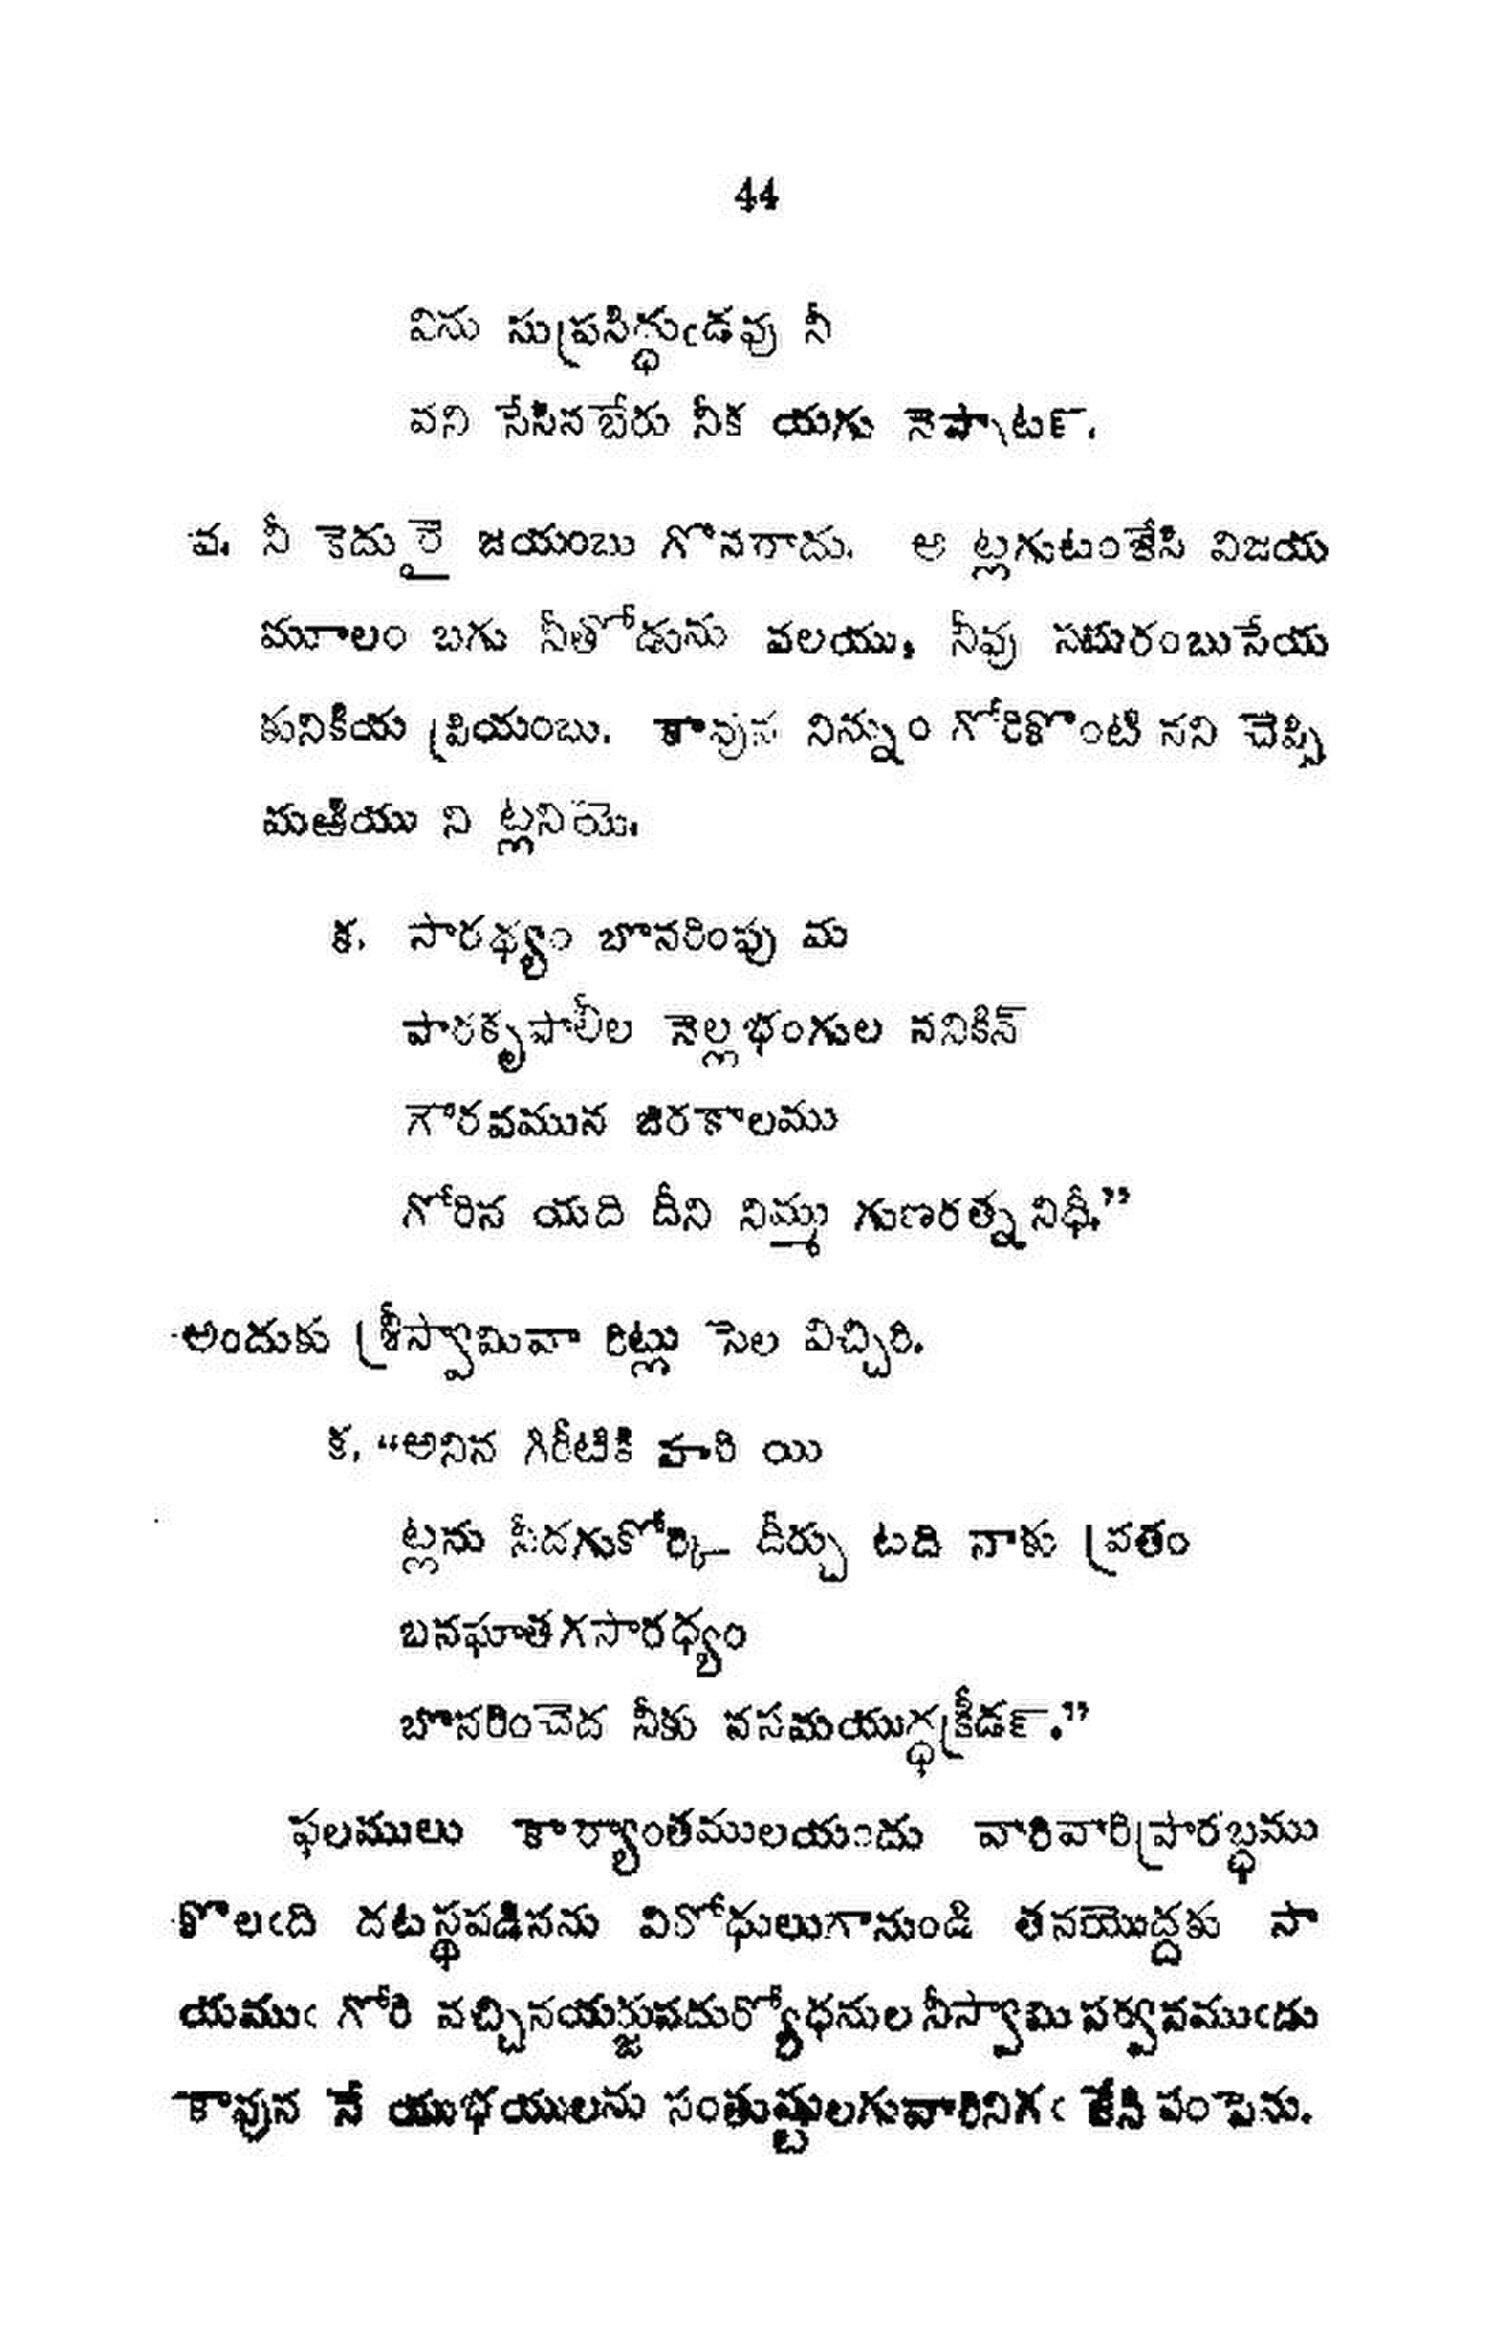విను సుప్రసిద్ధుఁడవు నీ
 వని సేసినబేరు నీక యగు నెపాటన్.
వ. నీ కెదురై జయంబు గొనరాదు. అట్లగుటంజేసి విజయ మూలం బగు నీతోడును వలయు, నీవు సమరంబుసేయ కునికియ ప్రియంబు. కావున నిన్నుం గోరికొంటి నని చెప్పి మఱియు ని ట్లనియె.

క. సారథ్యం బొనరింపు మ
 పారకృపాలీల నెల్లభంగుల ననికిన్
 గౌరవమున జిరకాలము
 గోరిన యది దీని నిమ్ము గుణరత్ననిధీ”

అందుకు శ్రీస్వామివా రిట్లు సెల విచ్చిరి.

క. అనిన గిరీటికి హరి యి
 ట్లను నీదగుకోర్కె దీర్చు టది నాకు వ్రతం
 బనఘాతగ సారధ్యం
 బొనరించెద నీకు నసమయుద్ధక్రీడన్.”
ఫలములు కార్యాంతములయందు వారివారిప్రారబ్ధము కొలఁది దటస్థపడినను విరోధులుగానుండి తనయొద్దకు సాయముఁ గోరి వచ్చినయర్జునదుర్యోధనుల నీస్వామి సర్వసముఁడు కావున నే యుభయులను సంతుష్టులగువారినిగఁ జేసిపంపెను.